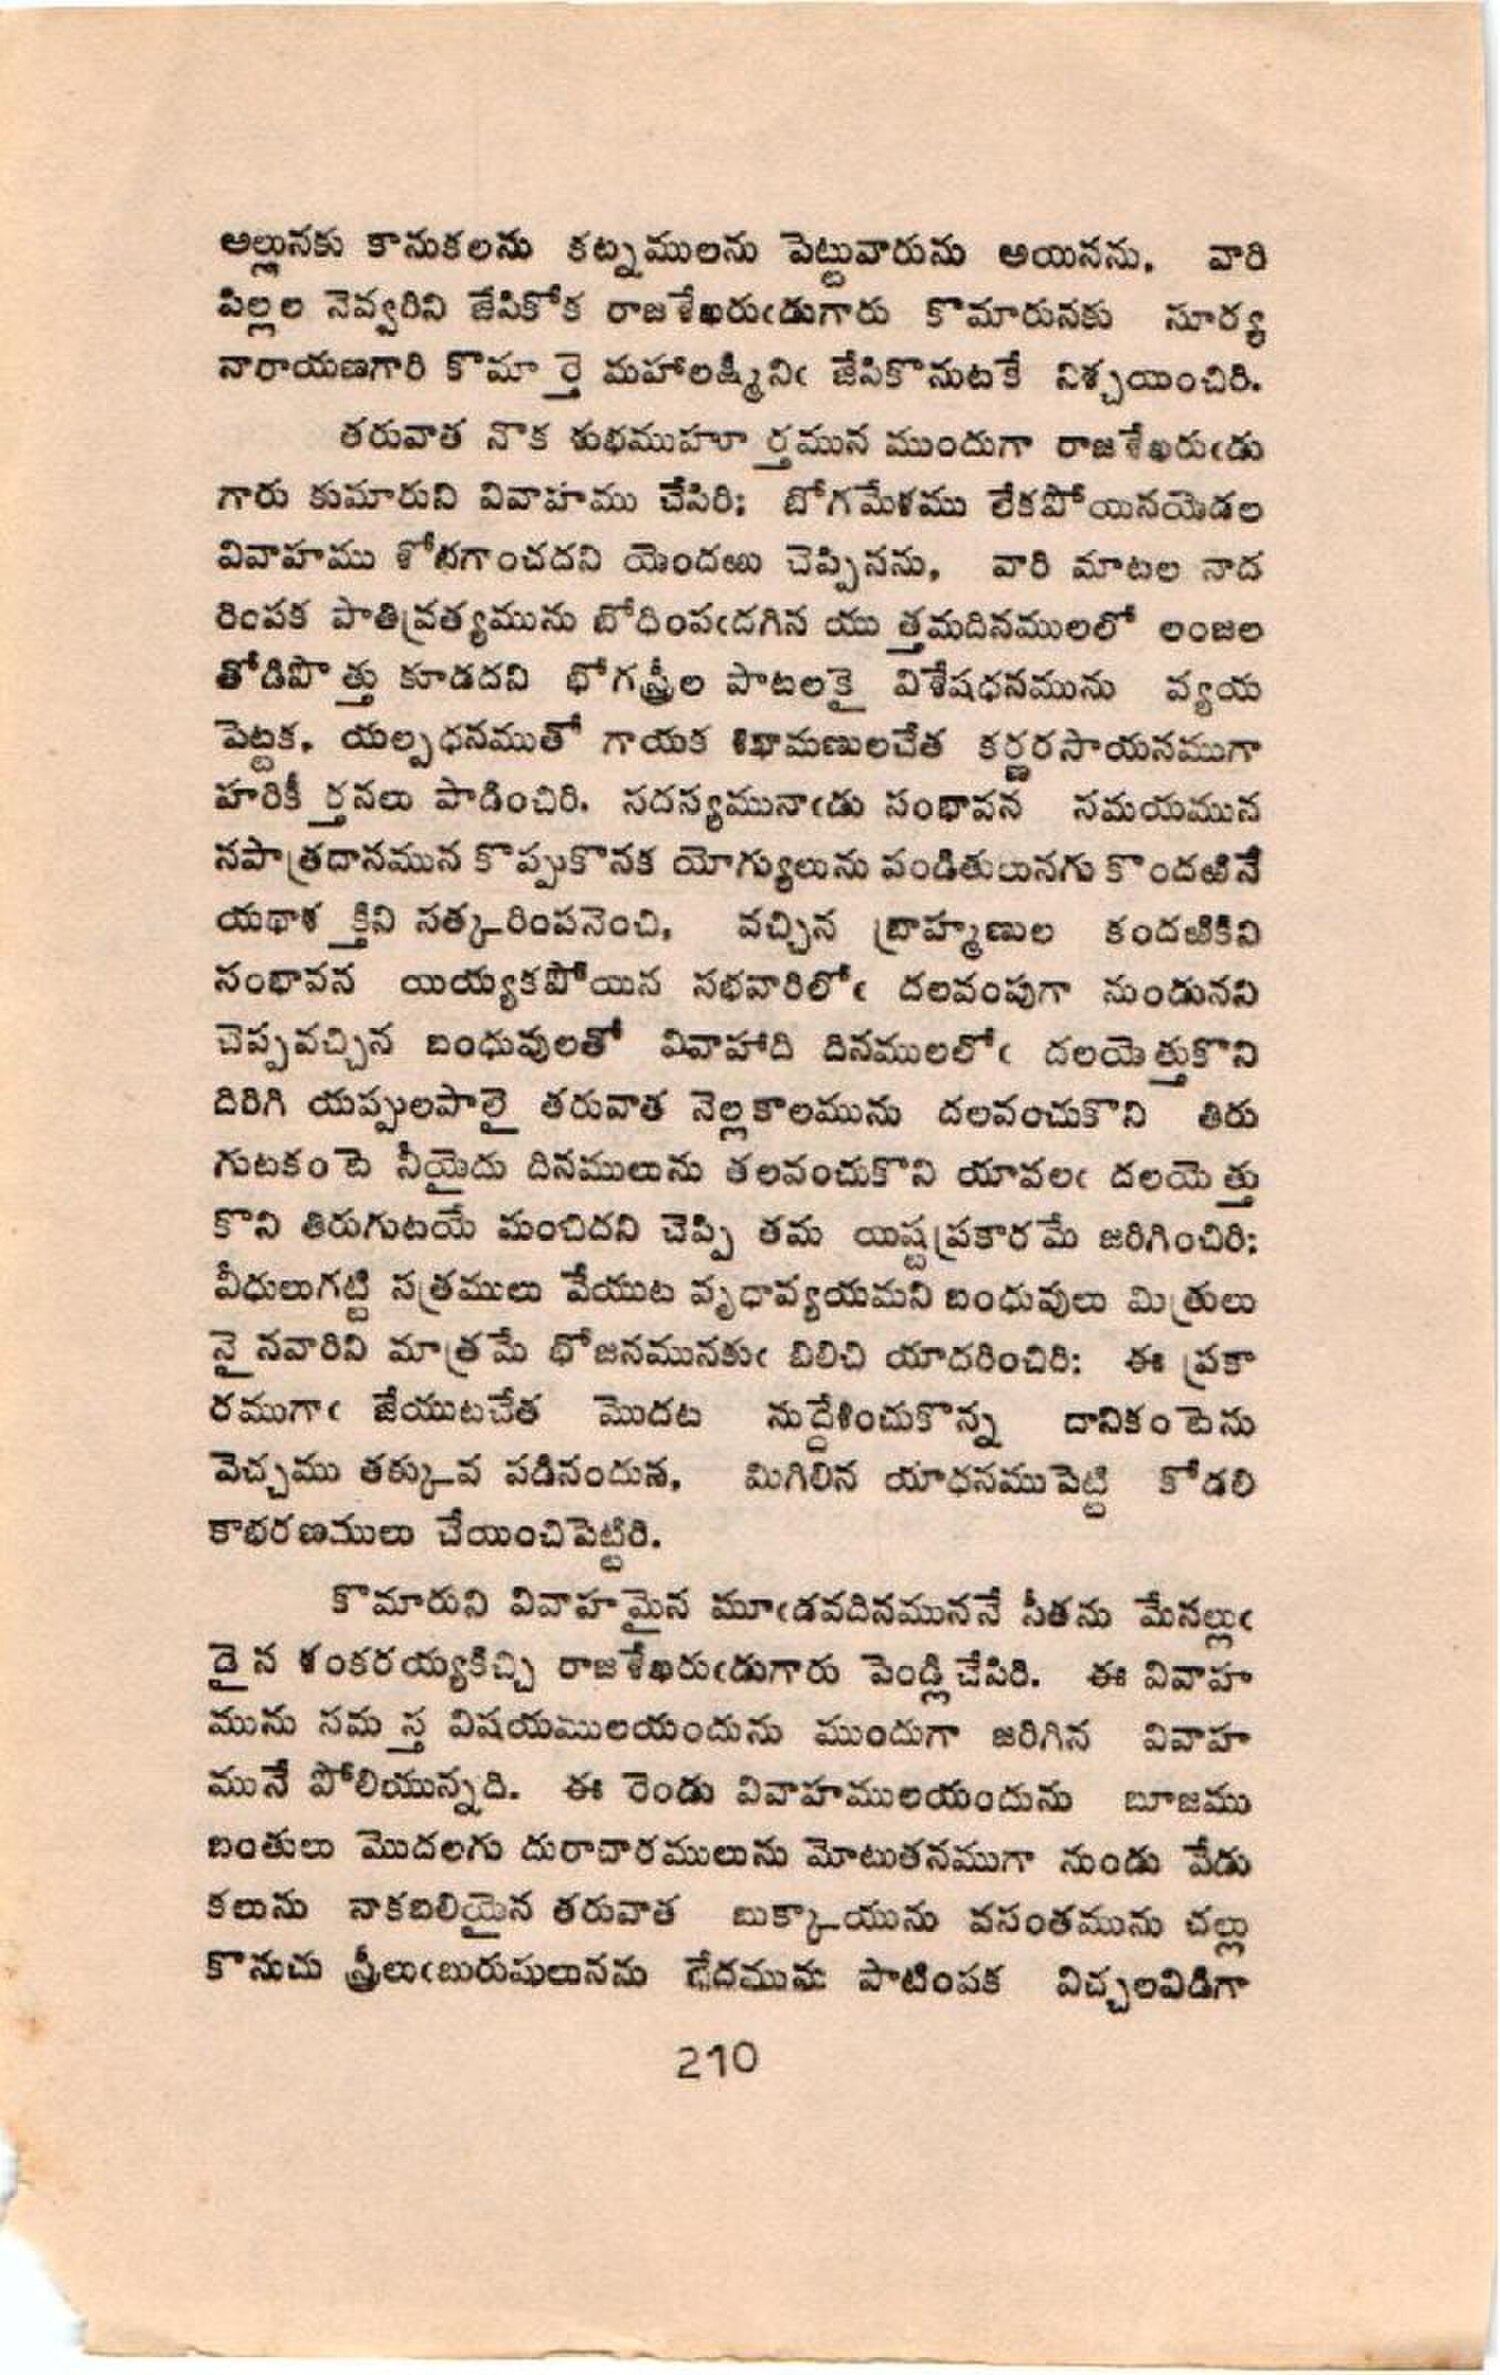అల్లునకు కానుకలను కట్నములను పెట్టువారును అయినను, వారి పిల్లల నెవ్వరిని జేసికోక రాజశేఖరుఁడుగారు కొమారునకు సూర్య నారాయణగారి కొమార్తె మహాలక్ష్మినిఁ జేసికొనుటకే నిశ్చయించిరి.

తరువాత నొక శుభముహూర్తమున ముందుగా రాజశేఖరుఁడు గారు కుమారుని వివాహము చేసిరి; బోగమేళము లేకపోయినయెడల వివాహము శోభగాంచదని యెందఱు చెప్పినను, వారి మాటల నాద రింపక పాతివ్రత్యమును బోధింపఁదగిన యుత్తమదినములలో లంజల తోడిపొత్తు కూడదని భోగస్త్రీల పాటలకై విశేషధనమును వ్యయ పెట్టక, యల్పధనముతో గాయక శిఖామణులచేత కర్ణరసాయనముగా హరికీర్తనలు పాడించిరి. సదస్యమునాఁడు సంభావన సమయమున నపాత్రదానమున కొప్పుకొనక యోగ్యులును పండితులునగు కొందఱినే యథాశక్తిని సత్కరింపనెంచి, వచ్చిన బ్రాహ్మణుల కందఱికిని సంభావన యియ్యకపోయిన సభవారిలోఁ దలవంపుగా నుండునవి చెప్పవచ్చిన బంధువులతో వివాహాది దినములలోఁ దలయెత్తుకొని దిరిగి యప్పులపాలై తరువాత నెల్లకాలమును దలవంచుకొని తిరుగుటకంటె నీయైదు దినములను తలవంచుకొని యావలఁ దలయెత్తు కొని తిరుగుటయే మంచిదని చెప్పి తమ యిష్టప్రకారమే జరిగించిరి; వీధులుగట్టి సత్రములు వేయుట వృధావ్యయమని బంధువులు మిత్రులు నైనవారిని మాత్రమే భోజనమునకుఁ బిలిచి యాదరించిరి; ఈ ప్రకారముగాఁ జేయుటచేత మొదట నుద్దేశించుకొన్న దానికంటెను వెచ్చము తక్కువ పడినందున, మిగిలిన యాధనము పెట్టి కోడలి కాభరణములు చేయించిపెట్టిరి.

కొమారుని వివాహమైన మూడవదినముననే సీతను మేనల్లుఁడైన శంకరయ్యకిచ్చి రాజశేఖరుడుగారు పెండ్లి చేసిరి. ఈ వివాహమును సమస్త విషయములయందును ముందుగా జరిగిన వివాహమునే పోలియున్నది. ఈ రెండు వివాహములయందును బూజము బంతులు మొదలగు దురాచారములను మోటుతనముగా నుండు వేడుకలును నాకబలియైన తరువాత బుక్కాయును వసంతమును చల్లు కొనుచు స్త్రీలుఁబురుషులునను భేదమును పాటింపక విచ్చలవిడిగా